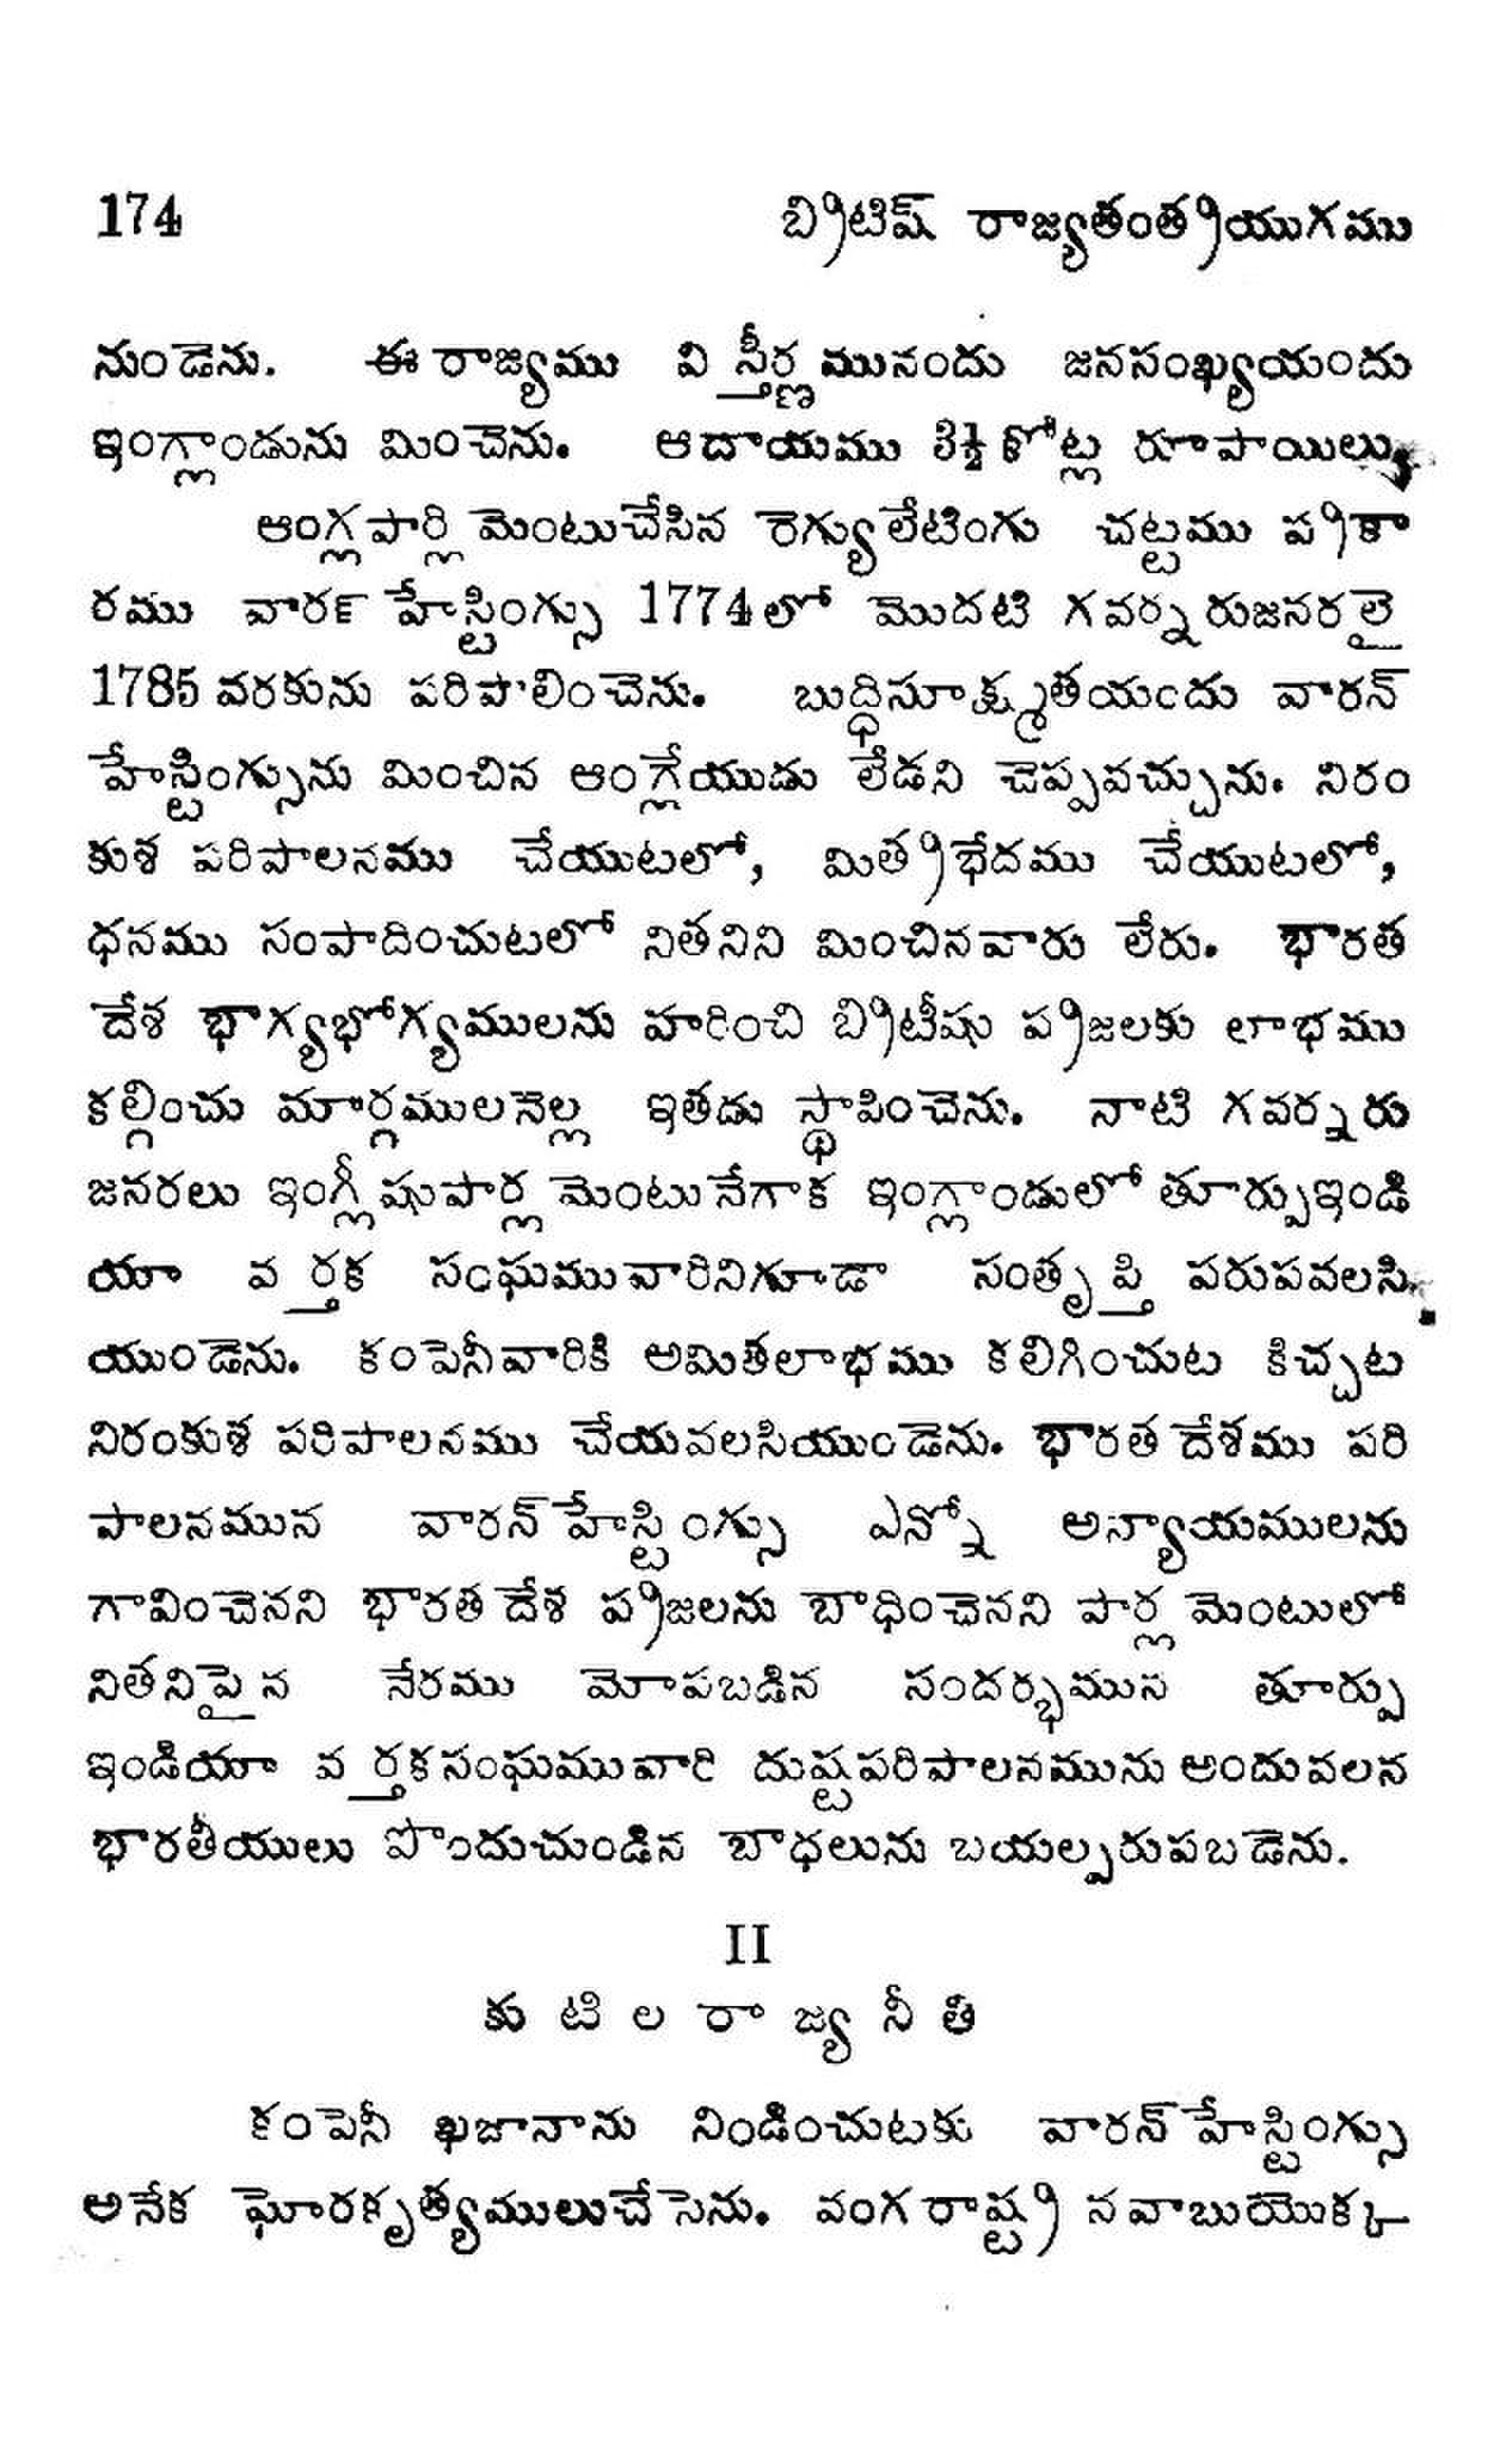నుండెను. ఈరాజ్యము విస్తీర్ణమునందు జనసంఖ్యయందు ఇంగ్లాండును మించెను. ఆదాయము 3 1/2 కోట్ల రూపాయిలు,

ఆంగ్లపార్లిమెంటుచేసిన రెగ్యులేటింగు చట్టము ప్రకారము వార౯ హేస్టింగ్సు 1774లో మొదటి గవర్నరుజనరలై 1785 వరకును పరిపాలించెను. బుద్ధిసూక్ష్మతయందు వారన్ హేస్టింగ్సును మించిన ఆంగ్లేయుడు లేడని చెప్పవచ్చును. నిరంకుశ పరిపాలనము చేయుటలో, మిత్రభేదము చేయుటలో, ధనము సంపాదించుటలో నితనిని మించినవారు లేరు. భారతదేశ భాగ్యభోగ్యములను హరించి బ్రిటీషు ప్రజలకు లాభము కల్గించు మార్గములనెల్ల ఇతడు స్థాపించెను. నాటి గవర్నరుజనరలు ఇంగ్లీషుపార్లమెంటునేగాక ఇంగ్లాండులో తూర్పుఇండియా వర్తక సంఘమువారినిగూడా సంతృప్తి పరుపవలసి యుండెను. కంపెనీవారికి అమితలాభము కలిగించుట కిచ్చట నిరంకుశ పరిపాలనము చేయవలసియుండెను. భారతదేశము పరిపాలనమున వారన్‌హేస్టింగ్సు ఎన్నో అన్యాయములను గావించెనని భారతదేశ ప్రజలను బాధించెనని పార్లమెంటులో నితనిపైన నేరము మోపబడిన సందర్భమున తూర్పుఇండియా వర్తకసంఘము వారి దుష్టపరిపాలనమును అందువలన భారతీయులు పొందుచుండిన బాధలును బయల్పరుపబడెను.

II 
కుటిల రాజ్యనీతి

కంపెనీ ఖజానాను నిండించుటకు వారన్‌హేస్టింగ్సు అనేక ఘోరకృత్యములుచేసెను. వంగరాష్ట్ర నవాబుయొక్క